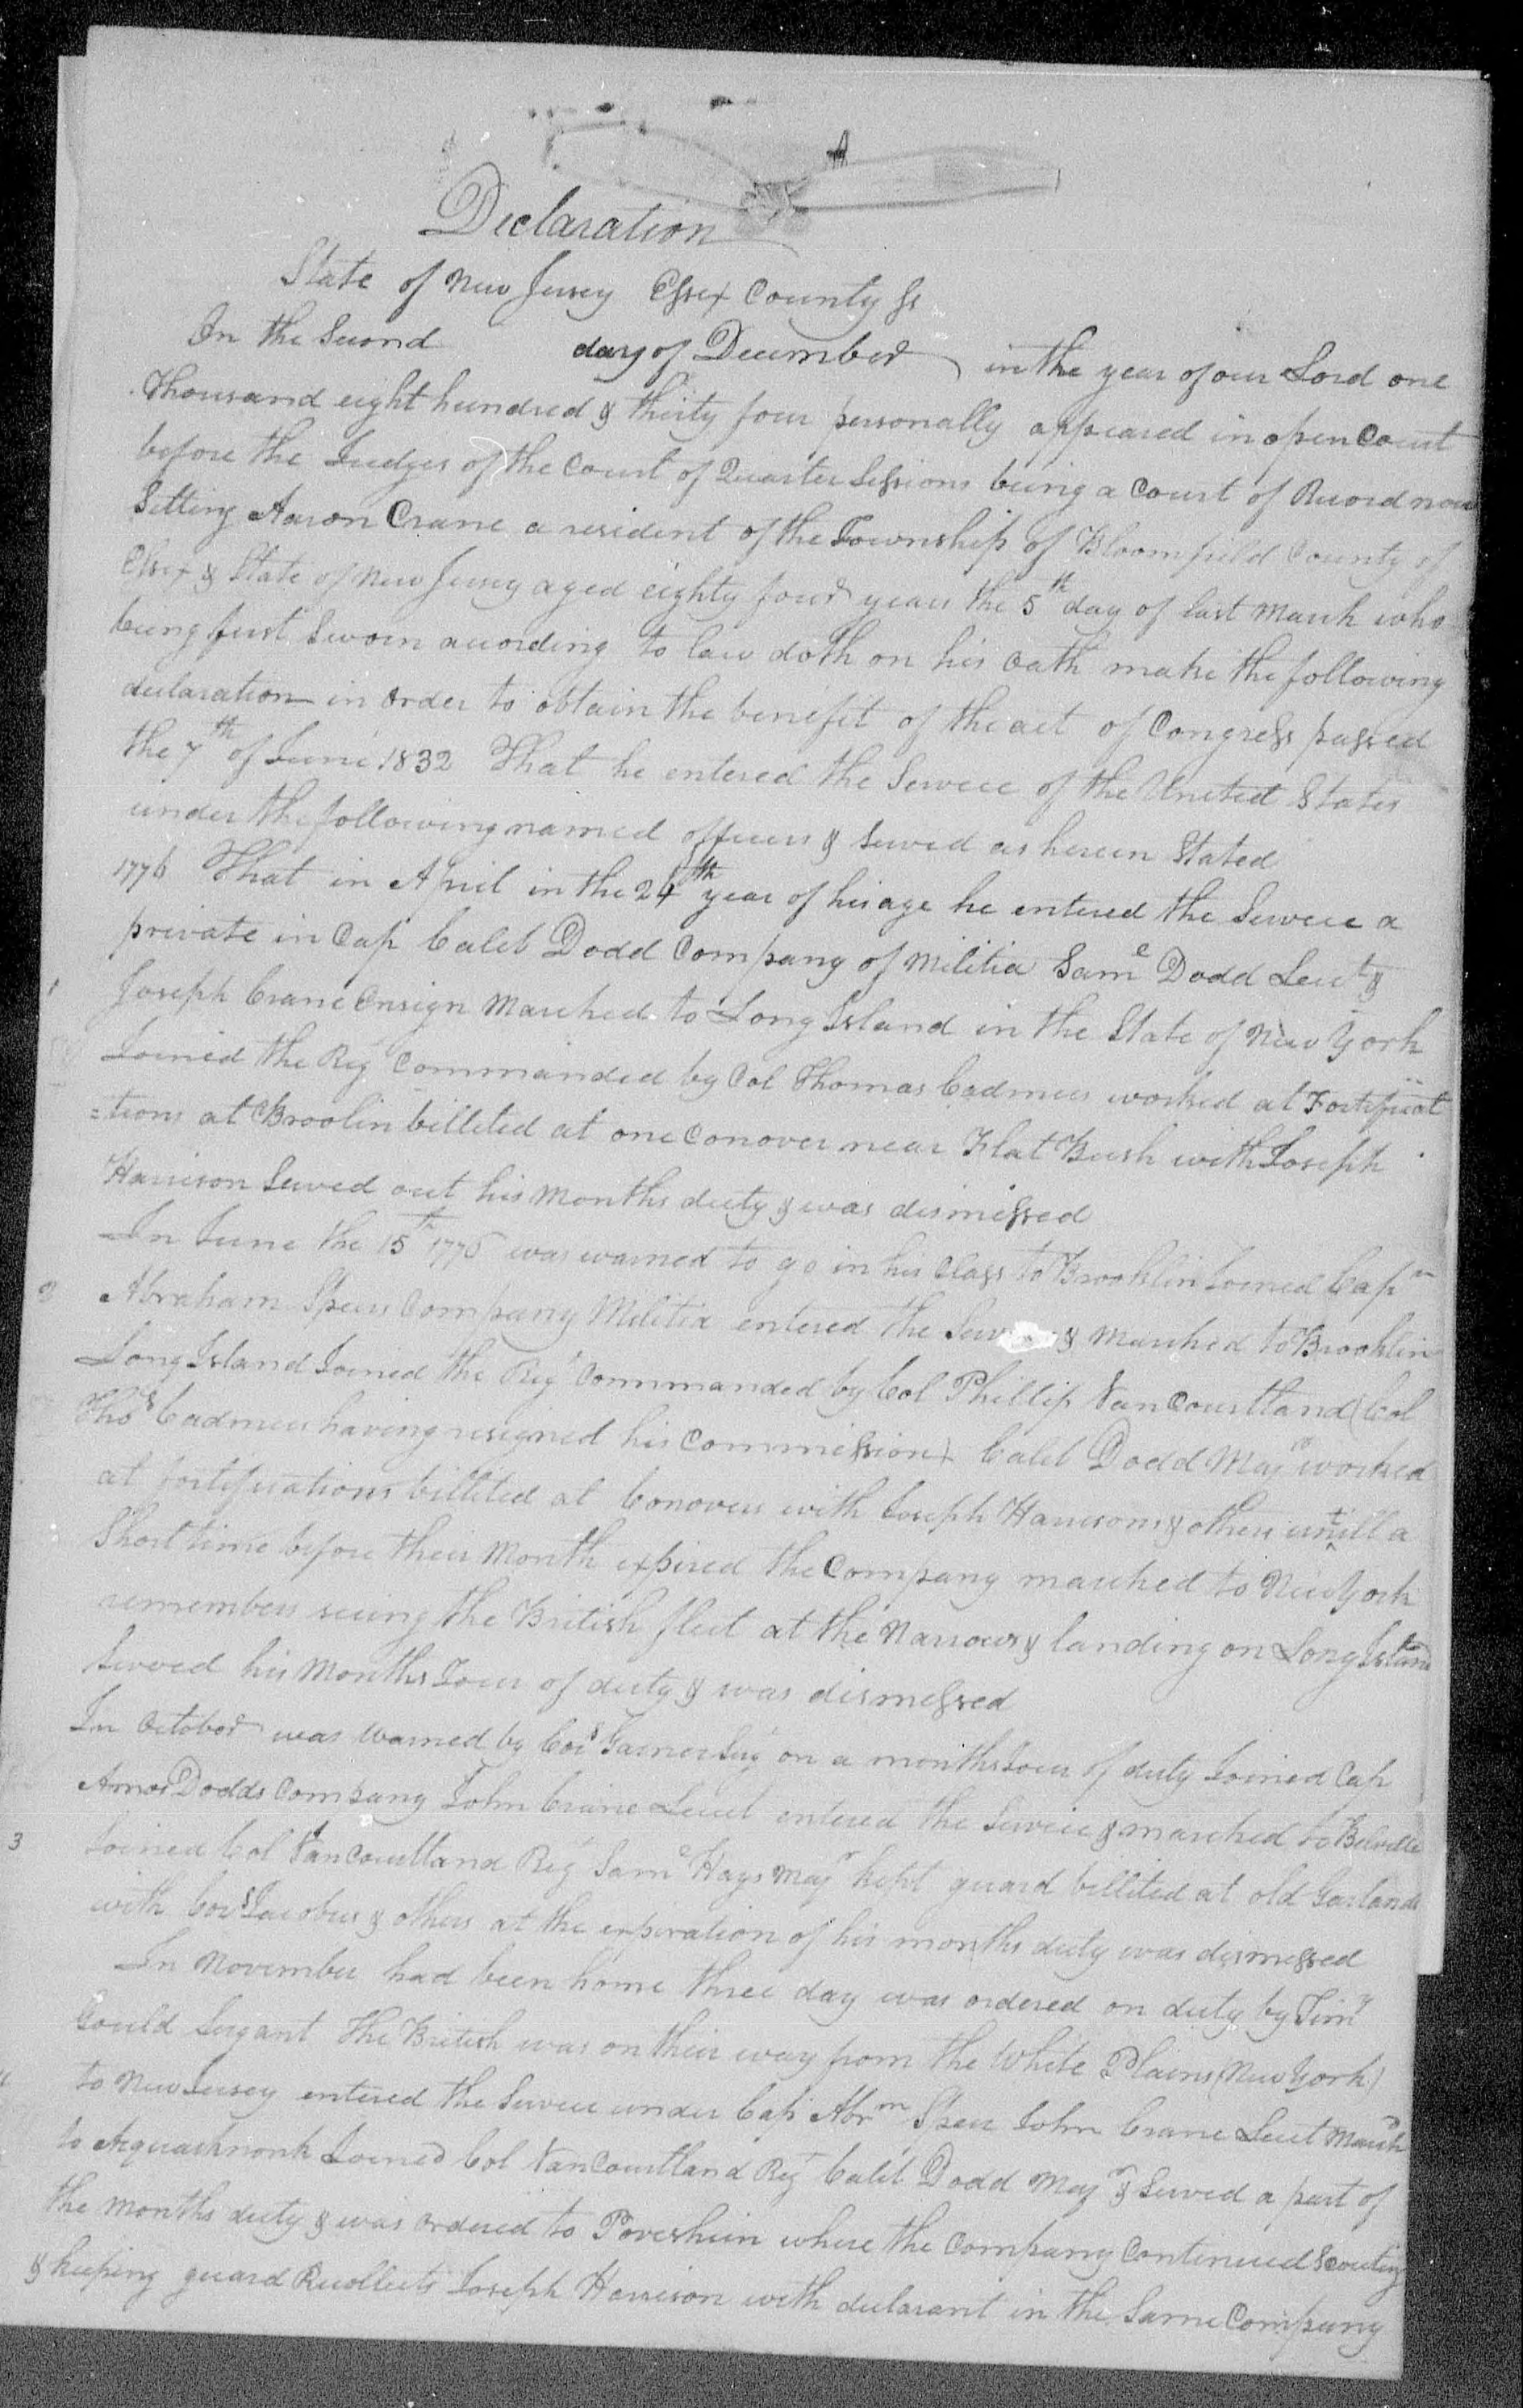.                                                                                          Declaration

State of New Jersey  Essex County  SS

On the Second day of December in the year of our Lord one

thousand eight hundreed & thirty from personally appeared in Open Court

before the Judges of the Court of Quarter Sessions being a Court of Record now

Sitting Aaron Crane a resident of the Township of Bloomfield County of 

Essex of State of New Jersey aged eighty four year the 5th day of last March who

being first Soworn according to law doth on his oath make the following

declaration in order to obtain the benefit of the Act of Congress passed

the 7th of June 1832  That he entered the Service of the United States

under the following named officers & served as herein stated

1776 That in April in the 24th year of  aged he entered the service a 

private in Cap Caleb Dodd Company of Milita Saml Dodd Lieut

Joseph Crane Ensign marched to Long Island in the State of New York

Joined the Reg commanded by Col Thomas Cadmus worked at Fortificat 
 
= tion at Broolin billited at one Conover near Flat Bush with Joseph

Harrison served out his months duty & was dismissed

In June the 15th 1776 was warned to go in his class to Brooklin joined Cap

Abraham Speers Company Militia entered the Service marched to Brooklin

Long island joined the Reg commanded by Col Philip Van Courtland (Col)

Tho Cadmus having resigned his commission.  Caleb Dodd May worked

at fortification billited a Conover with Joseph Harrison other untill a

short time before their month expired the company marched to New York

remember seeing the British fleet at the narrow landing on Long Island

Served his months tour of duty was dimissed.

In October was wanred by Col Garner ? on a months tour of duty joint Cap

Amos Dodds Company John Crane Lieut entered the serivce & marched to Belodle

joined Col Van Courtland Reg Sam Hay kept guard bilitted at old Garland 

with Cors Jacoburg others at the exporation of his months duty was dismissed


In November had been home thee day was ordered on duty by Timy

Gould Sergant   Teh Brish was on way from the White Plains (New York)

to New Jersey entered the Service under Cpt Abrm Speer John Crane Lieut marchd

to Arquarchmonk Sound Col Van Cortland Regt Caleb Doddd Maj   Served a part of

the months duty & was ordered to Poverhun where the company continued scouting

& keeping guard Recollects Joseph Harrison with declarant in the same company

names: Thos Cadmus, Joseph Harrison, Timy Gould, Phillip Van Courtland, Corl Jacobus, Caleb Dodd, Corl Garner, Joseph Harrison, Joseph Harrison, Thomas Cadmus, Abrm Speer, John Crane, Caleb Dodd, John Crane, Caleb Dodd, Saml Dodd, Saml Hays, Aaron Crane, Joseph Crane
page: 2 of 32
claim: rejected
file: R. 2441, Aaron Crane, New Jersey